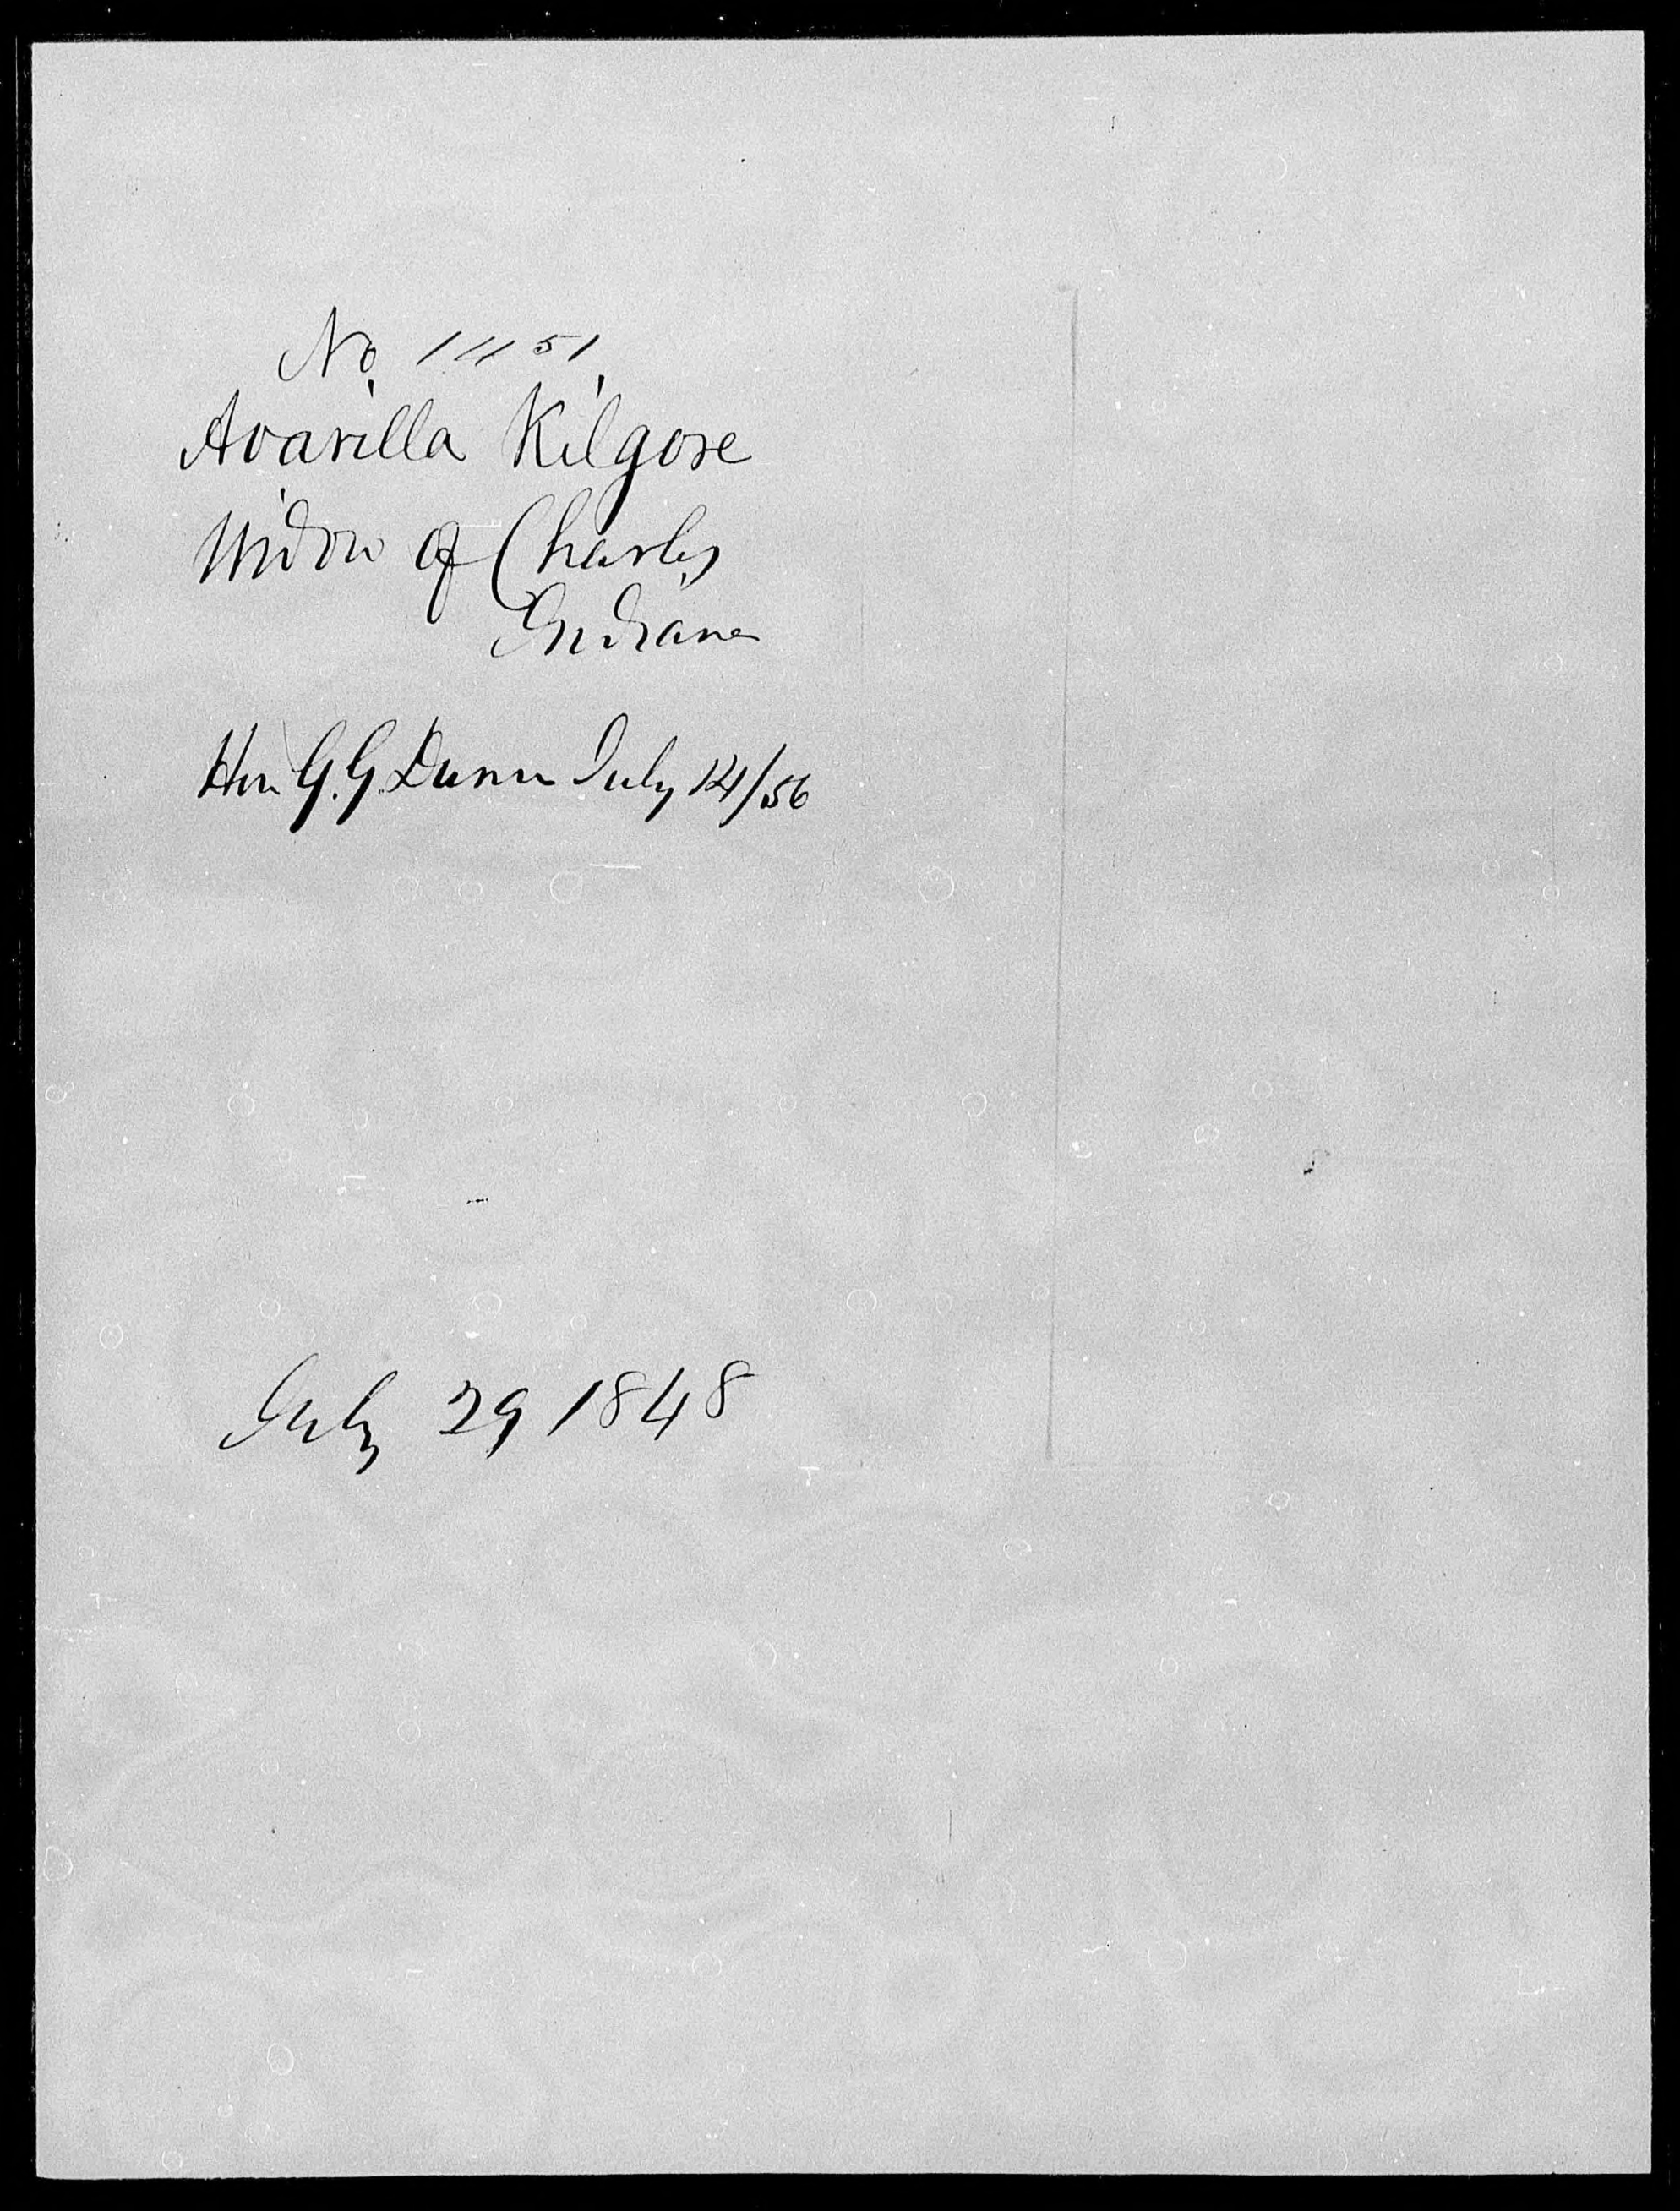No. 1451
Avarilla Kilgore
Widow of Charles
Indiana
Hon G. G Dunn July 14/56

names: G G Dunn; Avarilla Kilgore; Charles Kilgore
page: 65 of 115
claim: survivor's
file: S. 699, for Charles Kilgore, Virginia